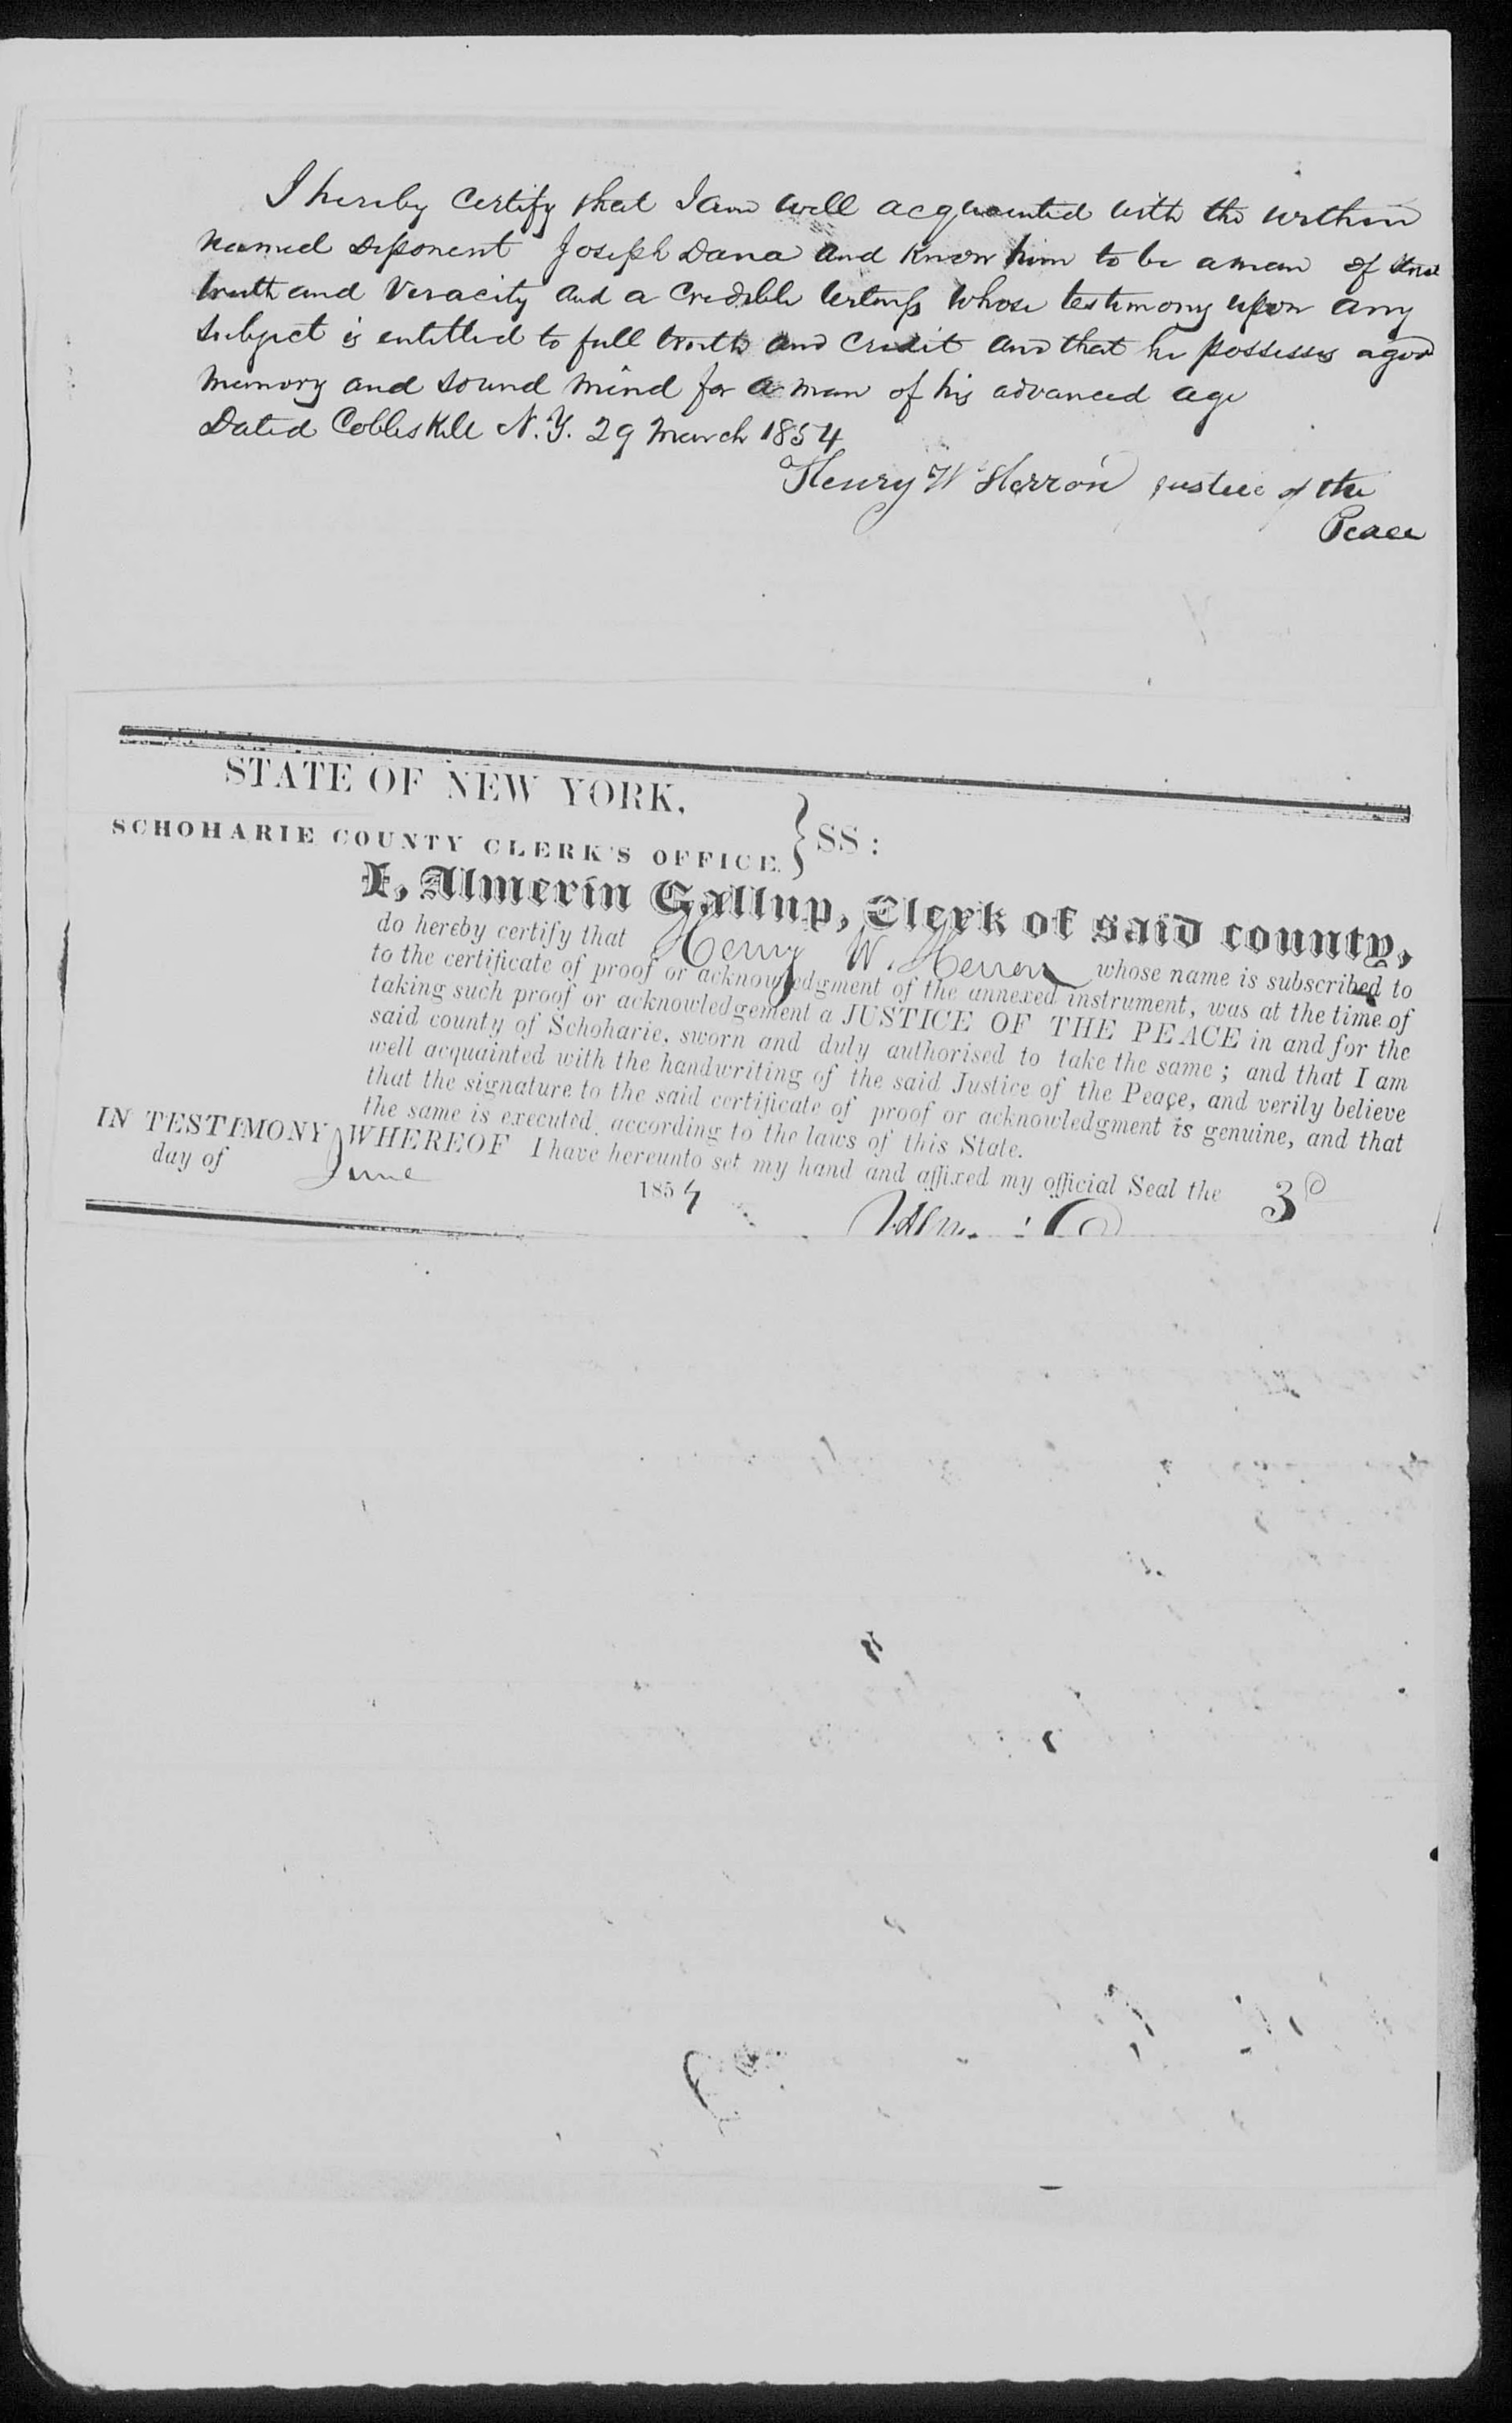I hereby certify that I am well acquainted with the within named deponent Joseph Dana and know him to be a man of [illegible] truth and veracity as a credible witness whose testimony upon any subject is entitled to full trust and credit and that he possesses a good memory and sound mind for a man of his advanced age
Dated Cobleskill N.Y. 29 March 1854
Henry W Herron justice of the Peace

STATE OF NEW YORK,
SCHOHARIE COUNTY CLERK'S OFFICE. } SS:
I, Almerin Gallup, Clerk of said county, do hereby certify that Henry W. Herron whose name is subscribed to the certificate of proof or acknowledgment of the annexed instrument, was at the time of taking such proof or acknowledgement  a JUSTICE OF THE PEACE in and for the said county of Schoharie, sworn and duly authorised to take the same; and that I am well acquainted with the handwriting of the said Justice of the Peace, and verily believe that the signature to the said certificate of proof or acknowledgment is genuine, and that the same is executed according to the laws of this State.
IN TESTIMONY WHEREOF I have hereunto set my hand and affixed my official Seal the 30 day of June 1854
[signature cut off: Alemerin Gallup Clerk]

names: Joseph Dana, Almerin Gallup, Henry W Herron, Henry W Herron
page: 72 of 106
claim: survivor's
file: S 23,116., Joshua Benedict, Conn.